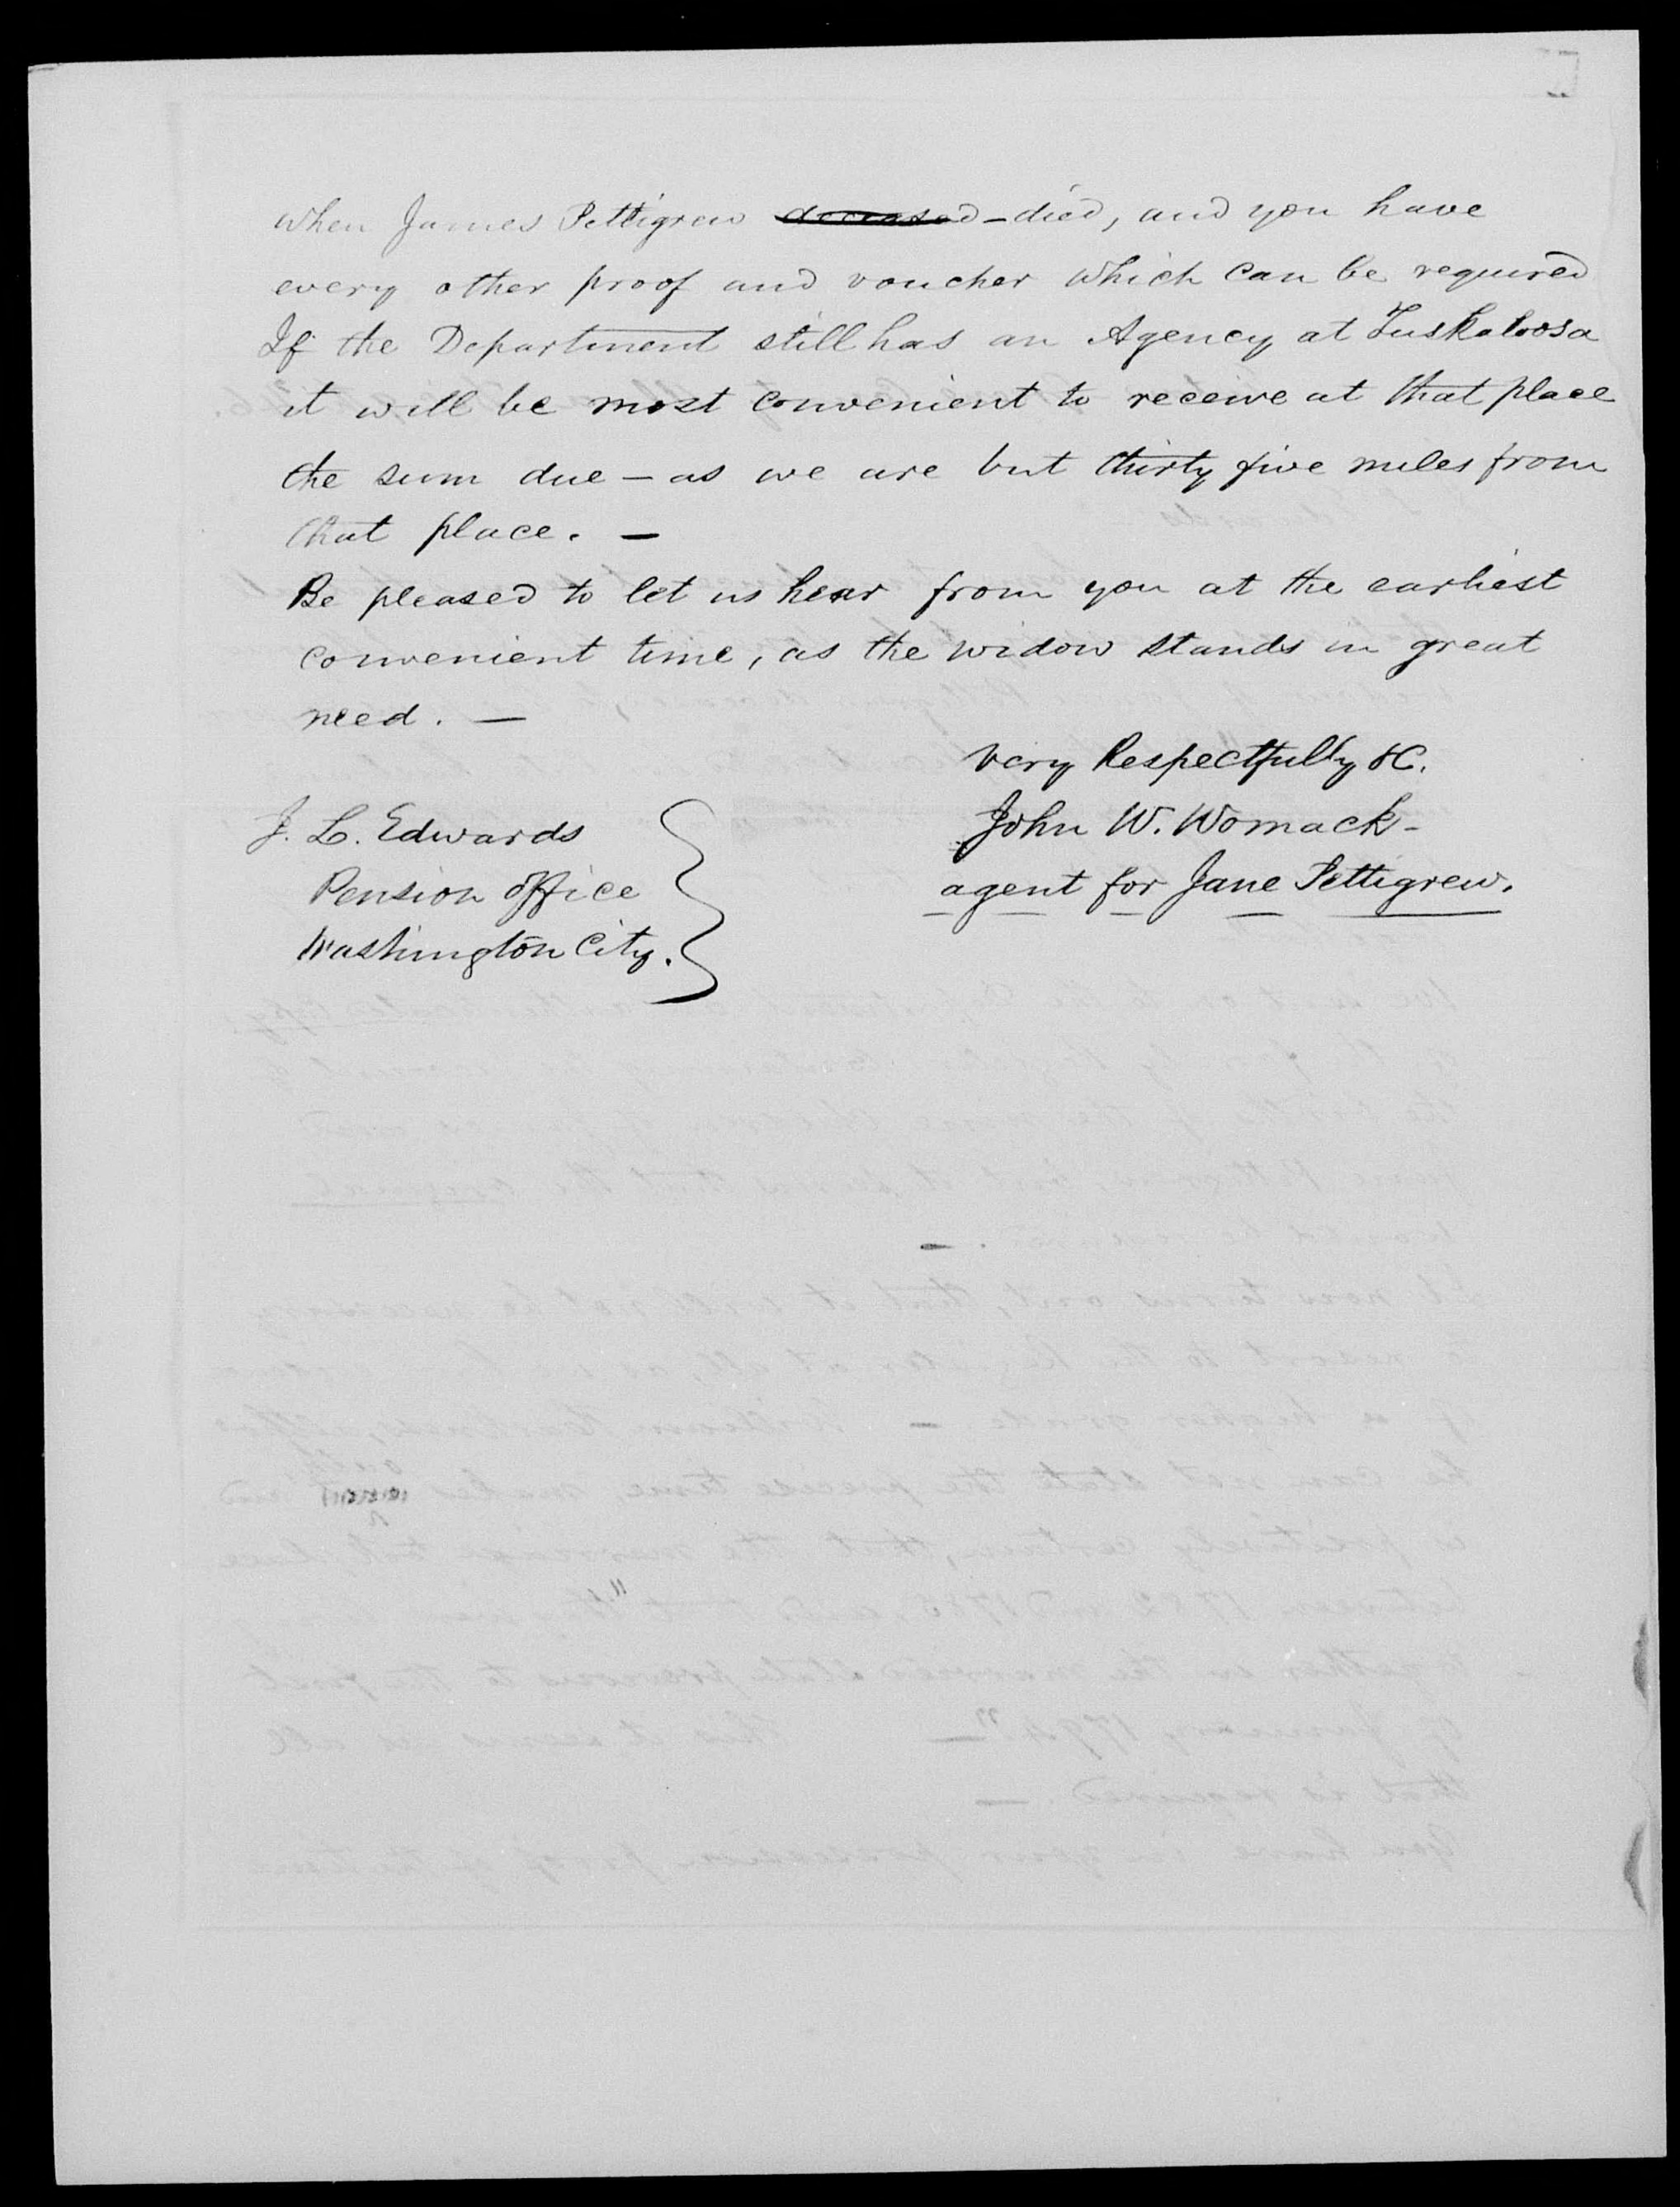When James Pettigrew ["declared" crossed off]-died, and you have every other proof and voucher which can be required if the Department still has an Agency at Tuscaloosa it will be most convenient to receive at that place seem due-as we are but thirty five miles from that place.-
Be pleased to let us hear from you at the earliest convenient time, as the widow stands in great need.-

J.L. Edwards
Pension office
Washington City.

Very Respectfully H.
John W. Womack-
agent for Jane Pettigrew.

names: James Pettigrew; John W Womack; Jane Pettigrew; J L Edwards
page: 53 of 92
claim: widow's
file: W. 5522, for James Pettigrew, South Carolina